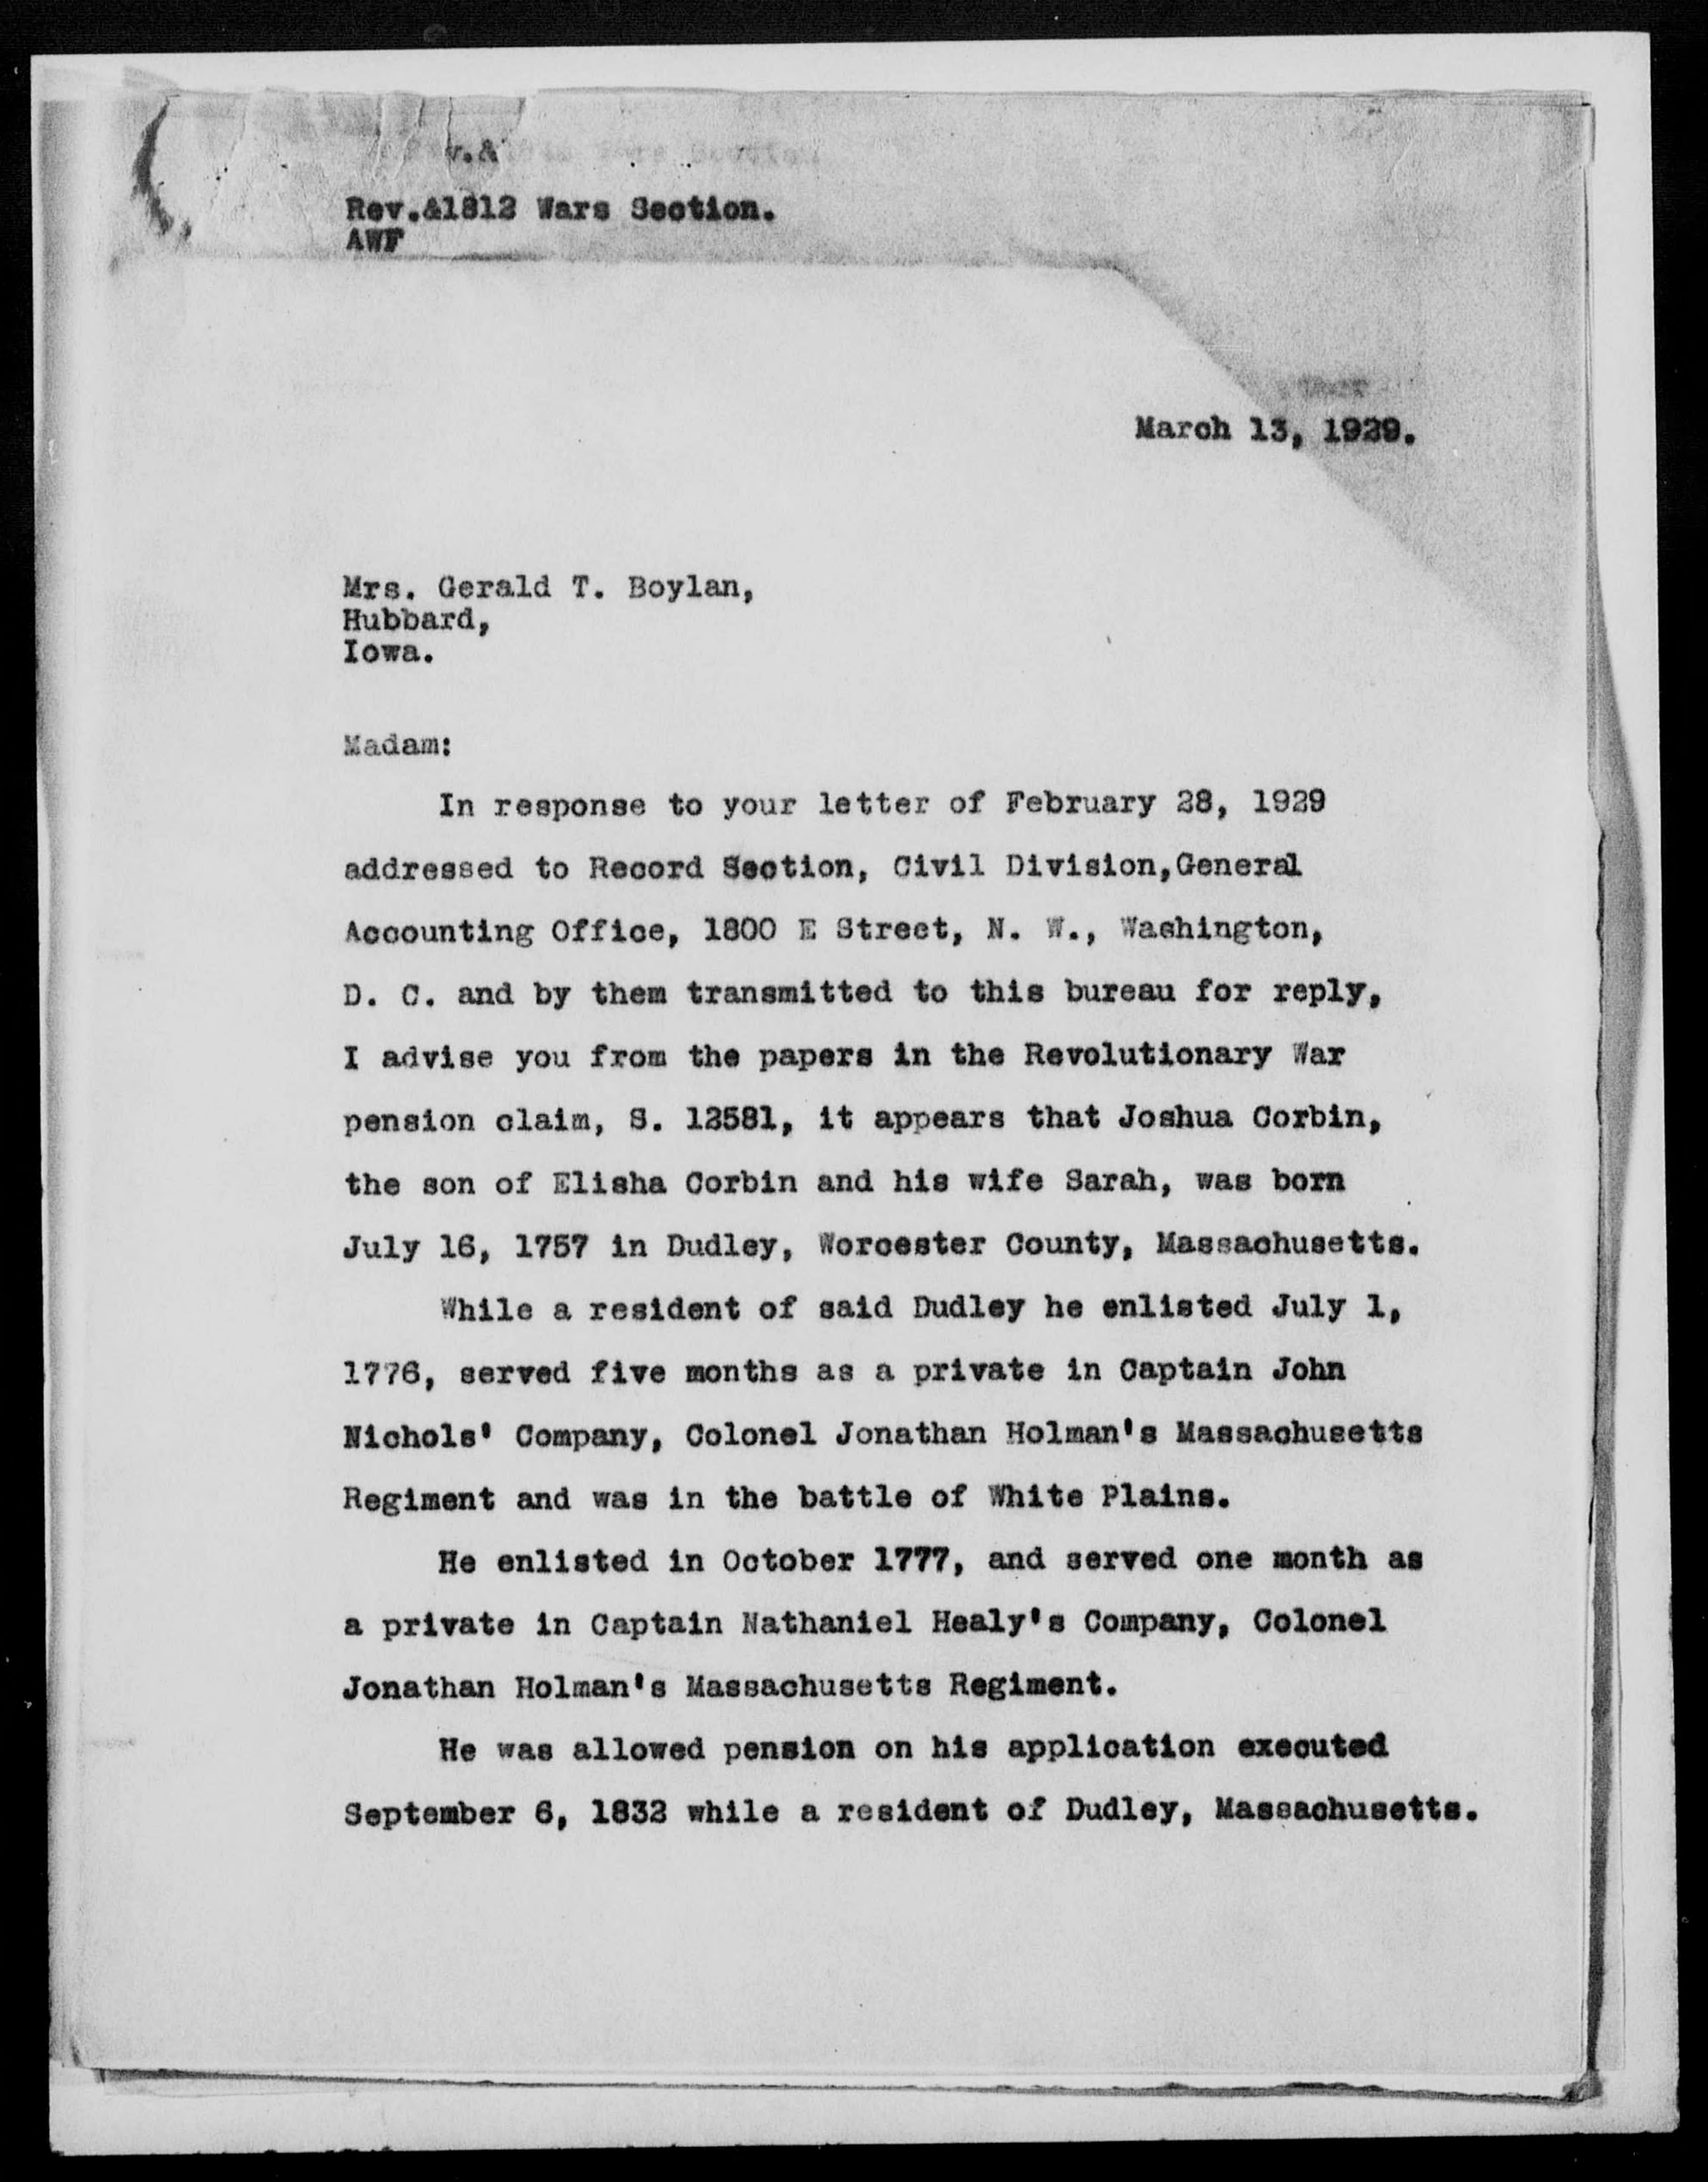v.&.
Rev.&1812 Wars Section.
AWF

March 13, 1929.

Mrs. Gerald T. Boylan,
Hubbard,
Iowa.

Madam:
In response to your letter of February 28, 1929
addressed to Record Section, Civil Division, General Accounting Office, 1800 E Street, N. W., Washington, D. C. and by them transmitted to this bureau for reply,
I advise you from the papers in the Revolutionary War pension claim, S. 12581, it appears that Joshua Corbin, the son of Elisha Corbin and his wife Sarah, was born July 16, 1757 in Dudley, Worcester County, Massachusetts.
While a resident of said Dudley he enlisted July 1,
1776, served five months as a private in Captain John Nichols' Company, Colonel Jonathan Holman's Massachusetts Regiment and was in the battle of White Plains.
He enlisted in October 1777, and served one month as a private in Captain Nathaniel Healy's Company, Colonel Jonathan Holman's Massachusetts Regiment.
He was allowed pension on his application executed September 6, 1832 while a resident of Dudley, Massachusetts.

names: Sarah, Elisha Corbin, Joshua Corbin, Gerald T Boylan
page: 14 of 34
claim: survivor's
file: S. 12581, Joshua Corbin, Mass.